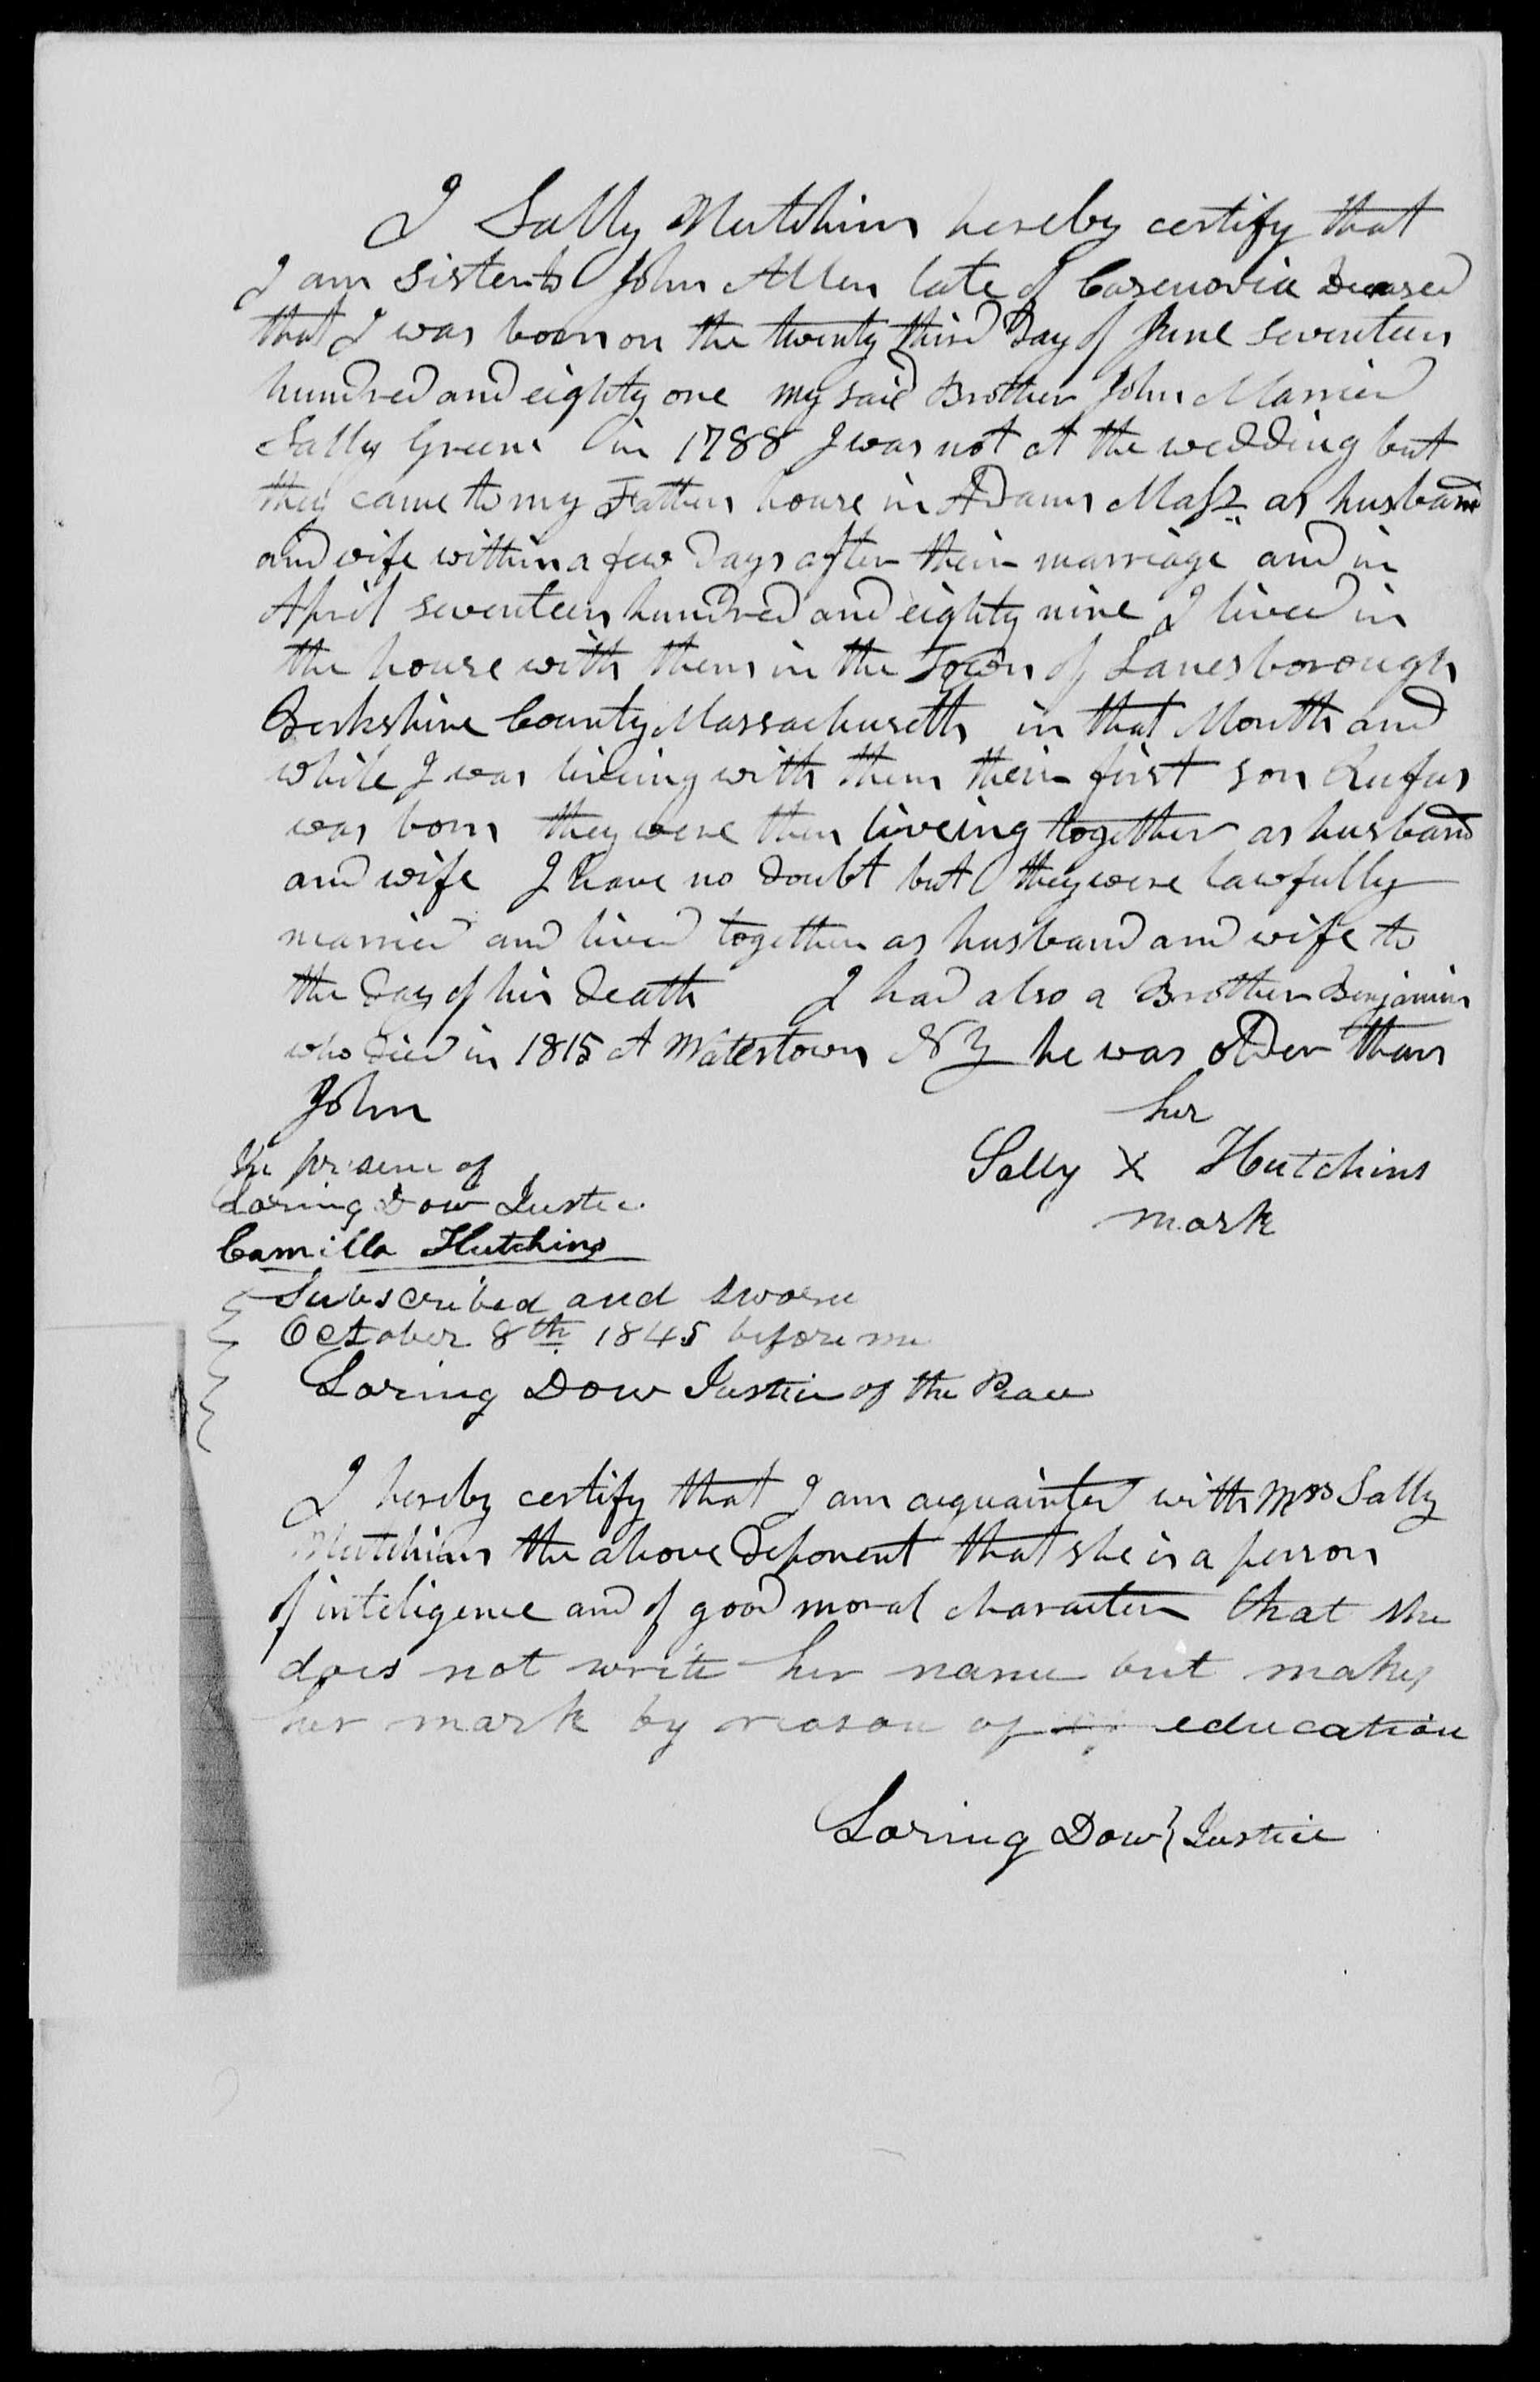I Sally Hutchins hereby certify that I am sister to John Allen late of Cazenovia deceased that I was born on the twenty third day of June seventeen hundred and eighty one my said Brother John Married Sally Greene in 1788 I was not at the wedding but they came to my Fathers house in Adams Mass as husband and wife within a few days after their marriage and in April seventeen hundred and eighty nine I lived in the house with them in the town of Lanesborough Berkshire County Massachusetts in that month and while I was living with them their first son Rufus was born They were then living together as husband and wife I have no doubt but they were lawfully married and lived together as husband and wife to the day of his death I had also a Brother Benjamin who died in 1815 at Watertown NY he was older than John
Sally Hutchins
Her mark X [signature]
In presence of Loring Dow Justice 
Camilla Hutchins 
Subscribed and sworn
October 8th 1845 before me
Loring Dow Justice of the Peace 
I hereby certify that I am acquainted with Mrs Sally Hutchins the above deponent that she is a person of inteligence and of good moral character that she does not write her name but makes her mark by reason of education 
Loring Dow Justice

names: Sally Greene, Camilla Hutchins, Loring Dow, John, Sally Hutchins, Loring Dow, Loring Dow, Sally Hutchins, Sally Hutchins, John, John Allen, Rufus, Benjamin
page: 20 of 74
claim: widow's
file: W. 23424, John Allen, Mass. R. I.